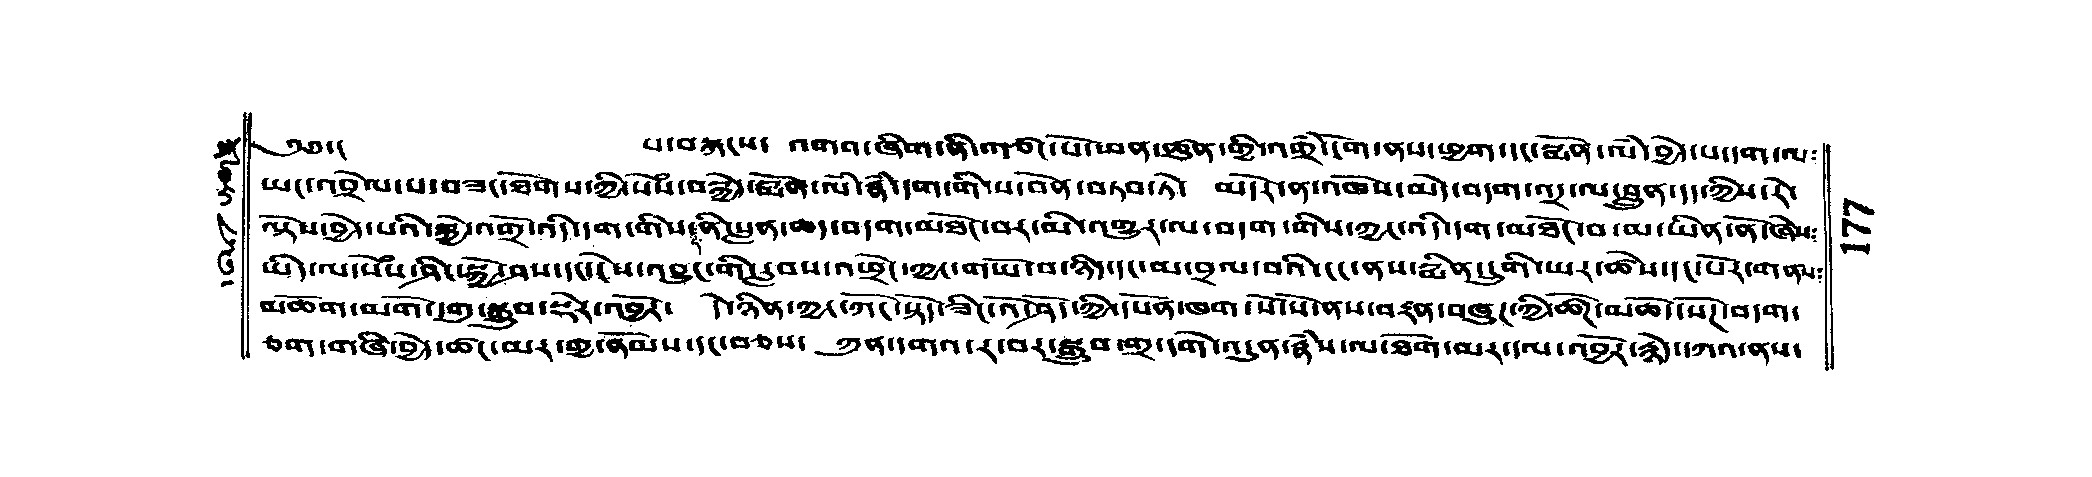པ་བསྐངས། འགའ་ཞིག་ནི་གཙང་པོ་ཕན་ཆུན་གྱི་འགྲམ་ངོགས་ནས་ཕྱག་དང་སྨོན་ལམ་བྱེད་པ་དག་ལ་
ཡང་འབྲེལ་པ་བཟང་ཐོགས་ཀྱི་སེམས་བསྐྱེད་སྨོན་ལམ་རྣམ་དག་གི་ས་བོན་བཏབ་ཏེ། མདོར་ན་འཁོས་མེད་བདག་འདྲ་ལ་བླུན་དད་ཀྱིས་རེ་
ལྟོས་བྱེད་པའི་སྐྱེ་འགྲོ་འདི་དག་གིས་ད་ནི་སླན་ཆད་བདག་མཐོང་བར་མི་འགྱུར་ལ་བདག་གིས་ཀྱང་འདི་དག་མཐོང་བ་མ་ཡིན་ནོ་ཞེས་
ཡིད་ལ་སེམས་ཤིང་སྐྱོ་ཤས་དང་ངེས་འབྱུང་གི་རླབས་འཕྲེང་ཀྱང་གཡོ་བ་ཉིད་དང་མ་བྲལ་བའི་ངང་ནས་སྨིན་དྲུག་གི་ཡར་ཚེས་དང་པོར་གནས་
མཆོག་མགོ་དགུ་སྒྲུབ་སྡེར་འབྱོར། དེ་ཉིན་ཀྱང་ཀོང་སྟོད་ཟིང་འོ་ཤོད་ཀྱི་དཔོན་ཁག་སོ་སོ་ནས་བརྟན་བཞུགས་ཀྱི་ཚོགས་མཆོད་སོགས་བདག་
ཅག་གཞིས་བྱེས་ཚང་མར་གྱ་ནོམས་དང་བཅས།ཀུན་དགའ་ར་བར་སྒྲུབ་གྲྭ་དགེ་འདུན་རྣམས་ལ་ཐོག་མར་དལ་འབྱོར་རྙེད་དཀའ་ནས་